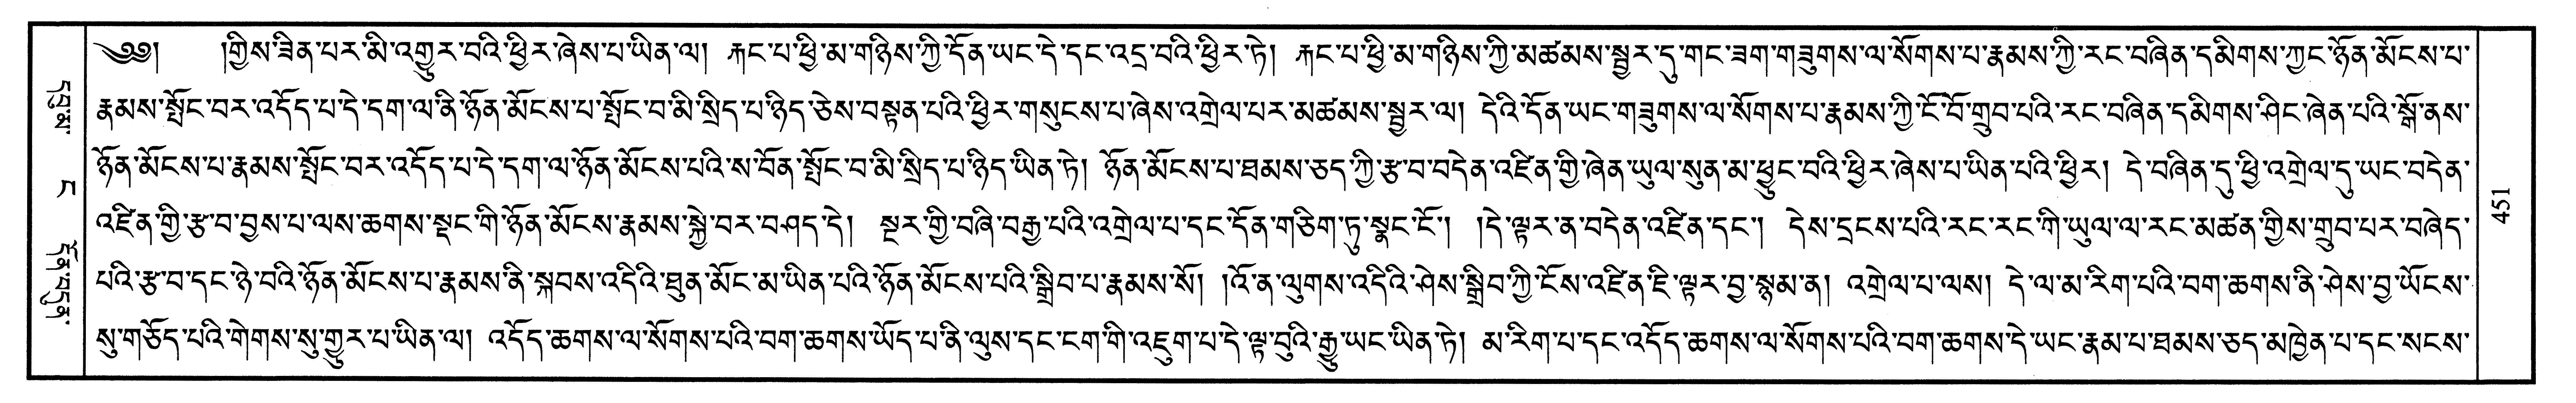༄༅། །གྱིས་ཟིན་པར་མི་འགྱུར་བའི་ཕྱིར་ཞེས་པ་ཡིན་ལ། རྐང་པ་ཕྱི་མ་གཉིས་ཀྱི་དོན་ཡང་དེ་དང་འདྲ་བའི་ཕྱིར་ཏེ། རྐང་པ་ཕྱི་མ་གཉིས་ཀྱི་མཚམས་སྦྱར་དུ་གང་ཟག་གཟུགས་ལ་སོགས་པ་རྣམས་ཀྱི་རང་བཞིན་དམིགས་ཀྱང་ཉོན་མོངས་པ་
རྣམས་སྤོང་བར་འདོད་པ་དེ་དག་ལ་ནི་ཉོན་མོངས་པ་སྤོང་བ་མི་སྲིད་པ་ཉིད་ཅེས་བསྟན་པའི་ཕྱིར་གསུངས་པ་ཞེས་འགྲེལ་པར་མཚམས་སྦྱར་ལ། དེའི་དོན་ཡང་གཟུགས་ལ་སོགས་པ་རྣམས་ཀྱི་ངོ་བོ་གྲུབ་པའི་རང་བཞིན་དམིགས་ཤིང་ཞེན་པའི་སྒོ་ནས་
ཉོན་མོངས་པ་རྣམས་སྤོང་བར་འདོད་པ་དེ་དག་ལ་ཉོན་མོངས་པའི་ས་བོན་སྤོང་བ་མི་སྲིད་པ་ཉིད་ཡིན་ཏེ། ཉོན་མོངས་པ་ཐམས་ཅད་ཀྱི་རྩ་བ་བདེན་འཛིན་གྱི་ཞེན་ཡུལ་སུན་མ་ཕྱུང་བའི་ཕྱིར་ཞེས་པ་ཡིན་པའི་ཕྱིར། དེ་བཞིན་དུ་ཕྱི་འགྲེལ་དུ་ཡང་བདེན་
འཛིན་གྱི་རྩ་བ་བྱས་པ་ལས་ཆགས་སྡང་གི་ཉོན་མོངས་རྣམས་སྐྱེ་བར་བཤད་དེ། སྔར་གྱི་བཞི་བརྒྱ་པའི་འགྲེལ་པ་དང་དོན་གཅིག་ཏུ་སྣང་ངོ། །དེ་ལྟར་ན་བདེན་འཛིན་དང་། དེས་དྲངས་པའི་རང་རང་གི་ཡུལ་ལ་རང་མཚན་གྱིས་གྲུབ་པར་བཞེད་
པའི་རྩ་བ་དང་ཉེ་བའི་ཉོན་མོངས་པ་རྣམས་ནི་སྐབས་འདིའི་ཐུན་མོང་མ་ཡིན་པའི་ཉོན་མོངས་པའི་སྒྲིབ་པ་རྣམས་སོ། །འོ་ན་ལུགས་འདིའི་ཤེས་སྒྲིབ་ཀྱི་ངོས་འཛིན་ཇི་ལྟར་བྱ་སྙམ་ན། འགྲེལ་པ་ལས། དེ་ལ་མ་རིག་པའི་བག་ཆགས་ནི་ཤེས་བྱ་ཡོངས་
སུ་གཅོད་པའི་གེགས་སུ་གྱུར་པ་ཡིན་ལ། འདོད་ཆགས་ལ་སོགས་པའི་བག་ཆགས་ཡོད་པ་ནི་ལུས་དང་ངག་གི་འཇུག་པ་དེ་ལྟ་བུའི་རྒྱུ་ཡང་ཡིན་ཏེ། མ་རིག་པ་དང་འདོད་ཆགས་ལ་སོགས་པའི་བག་ཆགས་དེ་ཡང་རྣམ་པ་ཐམས་ཅད་མཁྱེན་པ་དང་སངས་